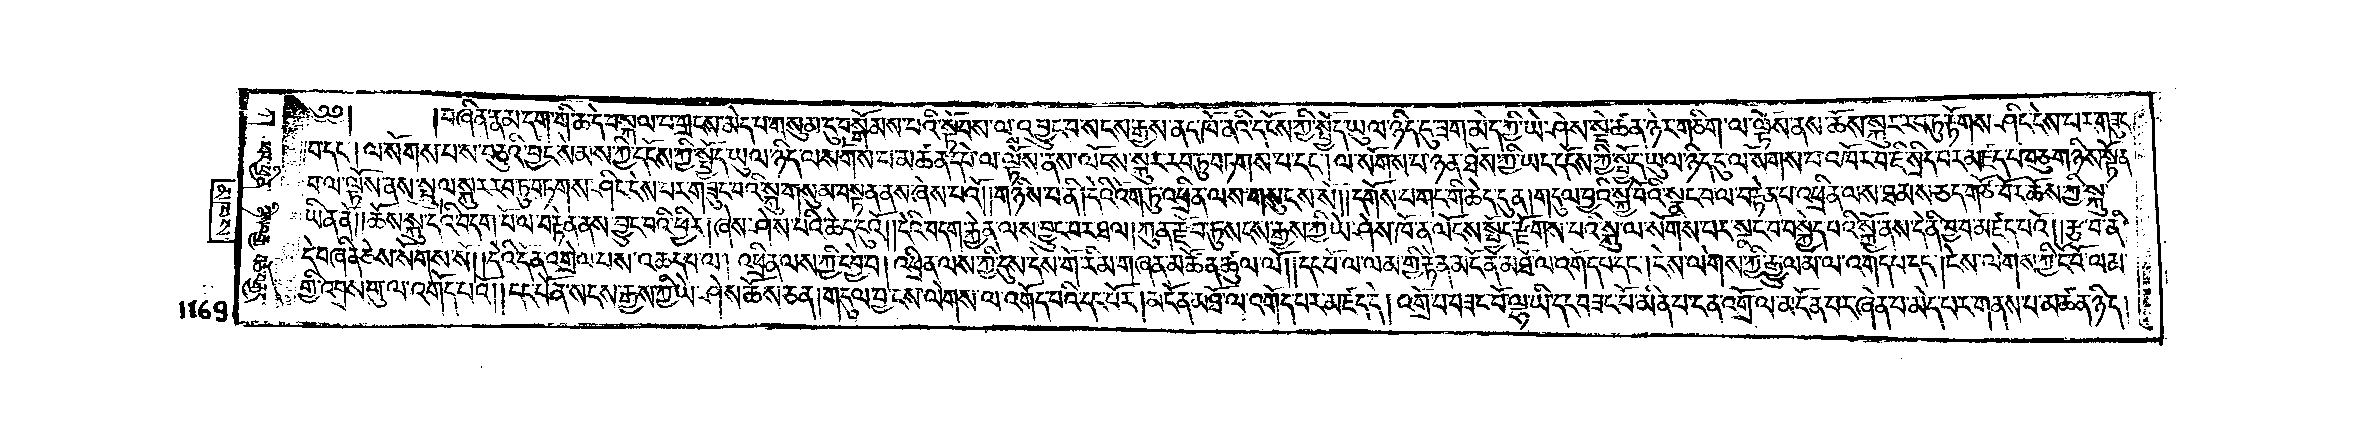༄༅། །བཞི་རྣམ་དག་གི་ཆ་དེ་བསྐལ་བ་གྲངས་མེད་པ་གསུམ་དུ་བསོམས་པའི་སྟོབས་ལས་འབྱུངས་བ་སངས་རྒཡས་ནང་ཁོ་ནའི་དངོས་ཀྱི་སྤྱོད་ཡུལ་ཉིད་དུ་ཟག་མེད་ཀྱི་ཡེ་ཤེས་སྡེ་ཚན་ཉེར་གཅིག་ལ་ལྟོས་ནས་ཆོས་སྐུར་རབ་ཏུ་རྟོགས་ཤིང་ངེས་པར་གཟུང་
བ་དང་། ལ་སོགས་པས་བཅུའི་བྱང་སེམས་ཀྱི་དངོས་ཀྱི་སྤྱོད་ཡུལ་ཉིད་ལ་སོགས་པ་མཚན་དཔེ་ལ་ལྟོས་ནས་ལོངས་སྐུར་རབ་ཏུ་བཏགས་པ་དང་། ལ་སོགས་པ་ཉན་ཐོས་ཀྱི་ཡང་དངོས་ཀྱི་སྤྱོད་ཡུལ་ཉིད་དུ་ལ་སོགས་པ་འཁོར་བ་ཇི་སྲིད་པར་མཛད་པ་བཅུ་གཉིས་སྟོན་
པ་ལ་ལྟོས་ནས་སྤྲུལ་སྐུར་རབ་ཏུ་བཏགས་ཤིང་ངེས་པར་གཟུང་བའི་སྐུ་གསུམ་བསྟན་ནས་ཞེས་པའོ། །གཉིས་པ་ནི། དེའི་འོག་ཏུ་འཕྲིན་ལས་གསུངས་སོ། །དགོས་པ་གང་གི་ཆེད་དུ་ན། གདུལ་བྱའི་སྐྱེ་བོའི་སྣང་བ་ལ་བརྟེན་པ་འཕྲིན་ལས་ཐམས་ཅད་གཙོ་བོར་ཆོས་ཀྱི་སྐུ་
ཡིན་ནོ། །ཆོས་སྐུ་དེའི་བདག་པོ་ལ་བརྟེན་ནས་བྱུང་བའི་ཕྱིར། ཞེས་ཤེས་པའི་ཆེད་དུའོ། །དེའི་བདག་རྐྱེན་ལས་བྱུང་བར་ཐལ། ཀུན་རྫོབ་ཏུ་སངས་རྒྱས་ཀྱི་ཡེ་ཤེས་ཁོ་ན་ལོངས་སྤྱོད་རྫོགས་པའི་སྐུ་ལ་སོགས་པར་སྣང་བ་བསྐྱེད་པའི་སྐྱོན་ནས་དེ་ནི་བྱ་བ་མཛད་པའོ། །རྩ་བ་ནི་
དེ་བཞིན་ཅེས་སོགས་སོ། །དེའི་དོན་འགྲེལ་པས་འཆད་པ་ལ། འཕྲིན་ལས་ཀྱི་དབྱེ་བ། འཕྲིན་ལས་ཀྱི་དུས་དེས་གོ་རིམ་གཞན་མཚོན་ཚུལ་ལོ། །དང་པོ་ལ་ལམ་གྱི་རྟེན་མངོན་མཐོ་ལ་འགོད་པ་དང་། ངེས་ལེགས་ཀྱི་རྒྱུ་ལམ་ལ་འགད་པ་དང་། ངེས་ལེགས་ཀྱི་ངོ་བོ་ལམ་
གྱི་འབྲས་བུ་ལ་འགོད་པའོ། །དང་པོ་ལ་སངས་རྒྱས་ཀྱི་ཡེ་ཤེས་ཆོས་ཅན། གདུལ་བྱ་ངས་ལེགས་ལ་འགོད་པའི་དང་པོར། མངོན་མཐོ་ལ་འགོད་པར་མཛད་དེ། འགྲོ་པ་བཟང་པོ་ལྷ་ཡི་དང་བཟང་པོ་མིན་པ་ངན་འགྲོ་ལ་མངོན་པར་ཞེན་པ་མེད་པར་གནས་པ་མཚན་ཉིད་